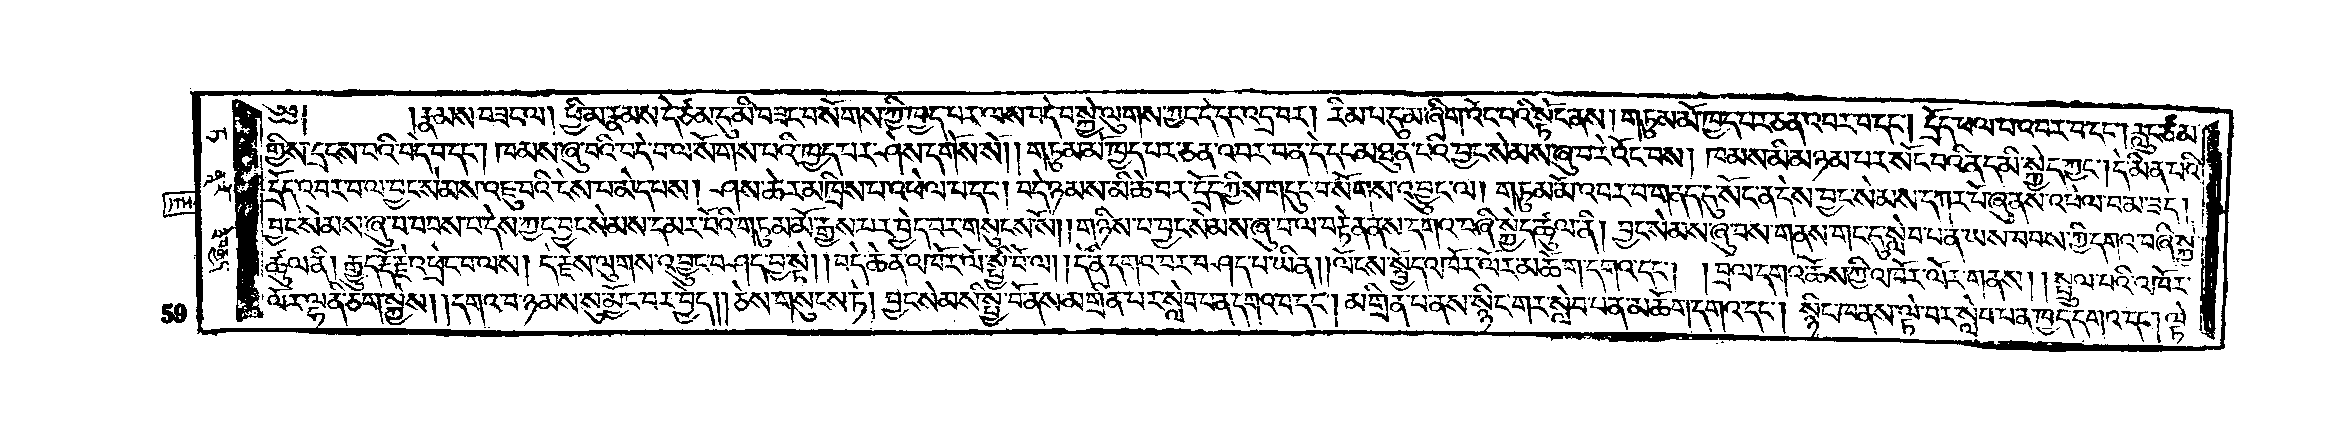༄༅། །རྣམས་བཟང་ལ། ཕྱི་མ་རྣམས་དེ་ཙམ་དུ་མི་བཟང་བ་སོགས་ཀྱི་ཁྱད་པར་ལས་བདེ་བ་སྐྱེ་ལུགས་ཀྱང་དེ་དང་འདྲ་བར། རིམ་པ་དུ་མ་ཞིག་འོང་བའི་སྟེང་ནས། གཏུམ་མོ་ཁྱད་པར་ཅན་འབར་བ་དང་། དྲོད་ཕལ་པ་འབར་བ་དང་། རླུང་ཙམ་
གྱིས་དྲངས་པའི་བདེ་བ་དང་། ཁམས་ཞུ་བའི་བདེ་བ་ལ་སོགས་པའི་ཁྱད་པར་ཤེས་དགོས་སོ། །གཏུམ་མོ་ཁྱད་པར་ཅན་འབར་བ་ན་དེ་དང་མཐུན་པའི་བྱང་སེམས་ཞུ་བ་རེ་འོང་བས། ཁམས་མི་མཉམ་པར་སོང་བའི་ནད་མི་སྐྱེད་ཀྱང་། དེ་མིན་པའི་
དྲོད་འབར་བ་ལ་བྱང་སེམས་འཇུ་བའི་ངེས་པ་མེད་པས། ཤས་ཆེར་མཁྲིས་པ་འཕེལ་བ་དང་། བདེ་ཉམས་མི་ཆེ་བར་དྲོད་ཀྱིས་གདུང་བ་སོགས་འབྱུང་ལ། གཏུམ་མོ་འབར་བ་གནད་དུ་སོང་ན་དེས་བྱང་སེམས་དཀར་པོ་ཞུ་ནས་འཕེལ་བ་མ་ཟད།
བྱང་སེམས་ཞུ་བ་བབས་པ་དེས་ཀྱང་བྱང་སེམས་དམར་པོའི་གཏུམ་མོ་རྒྱས་པར་བྱེད་པར་གསུངས་སོ། །གཉིས་པ་བྱང་སེམས་ཞུ་བ་ལ་བརྟེན་ནས་དགའ་བཞི་སྐྱེད་ཚུལ་ནི། བྱང་སེམས་ཞུ་བས་གནས་གང་དུ་སླེབ་པ་ན་ཡས་བབས་ཀྱི་དགའ་བཞི་སྐྱེ་
ཚུལ་ནི། རྒྱུད་རྡོ་རྗེ་འཕྲེང་བ་ལས། དེ་རྗེས་ལུགས་འབྱུང་བཤད་བྱ་སྟེ། །བདེ་ཆེན་འཁོར་ལོ་སྤྱི་བོ་ལ། །དེ་ནི་དགའ་བར་བཤད་པ་ཡིན། །ལོང་སྤྱོད་འཁོར་ལོར་མཆོག་དགའ་དང་། །བྲལ་དགའ་ཆོས་ཀྱི་འཁོར་ལོར་གནས། །སྤྲུལ་པའི་འཁོར་
ལོར་ལྷན་ཅིག་སྐྱེས། །དགའ་བ་ཉམས་སུ་མྱོང་བར་བྱེད། །ཅེས་གསུངས་ཏེ། བྱང་སེམས་སྤྱི་བོ་ནས་མགྲིན་པར་སླེབ་པ་ན་དགའ་བ་དང་། མགྲིན་པ་ནས་སྙིང་གར་སླེབ་པ་ན་མཆོག་དགའ་དང་། སྙིང་ཁ་ནས་ལྟེ་བར་སླེབ་པ་ན་ཁྱད་དགའ་དང་། ལྟེ་